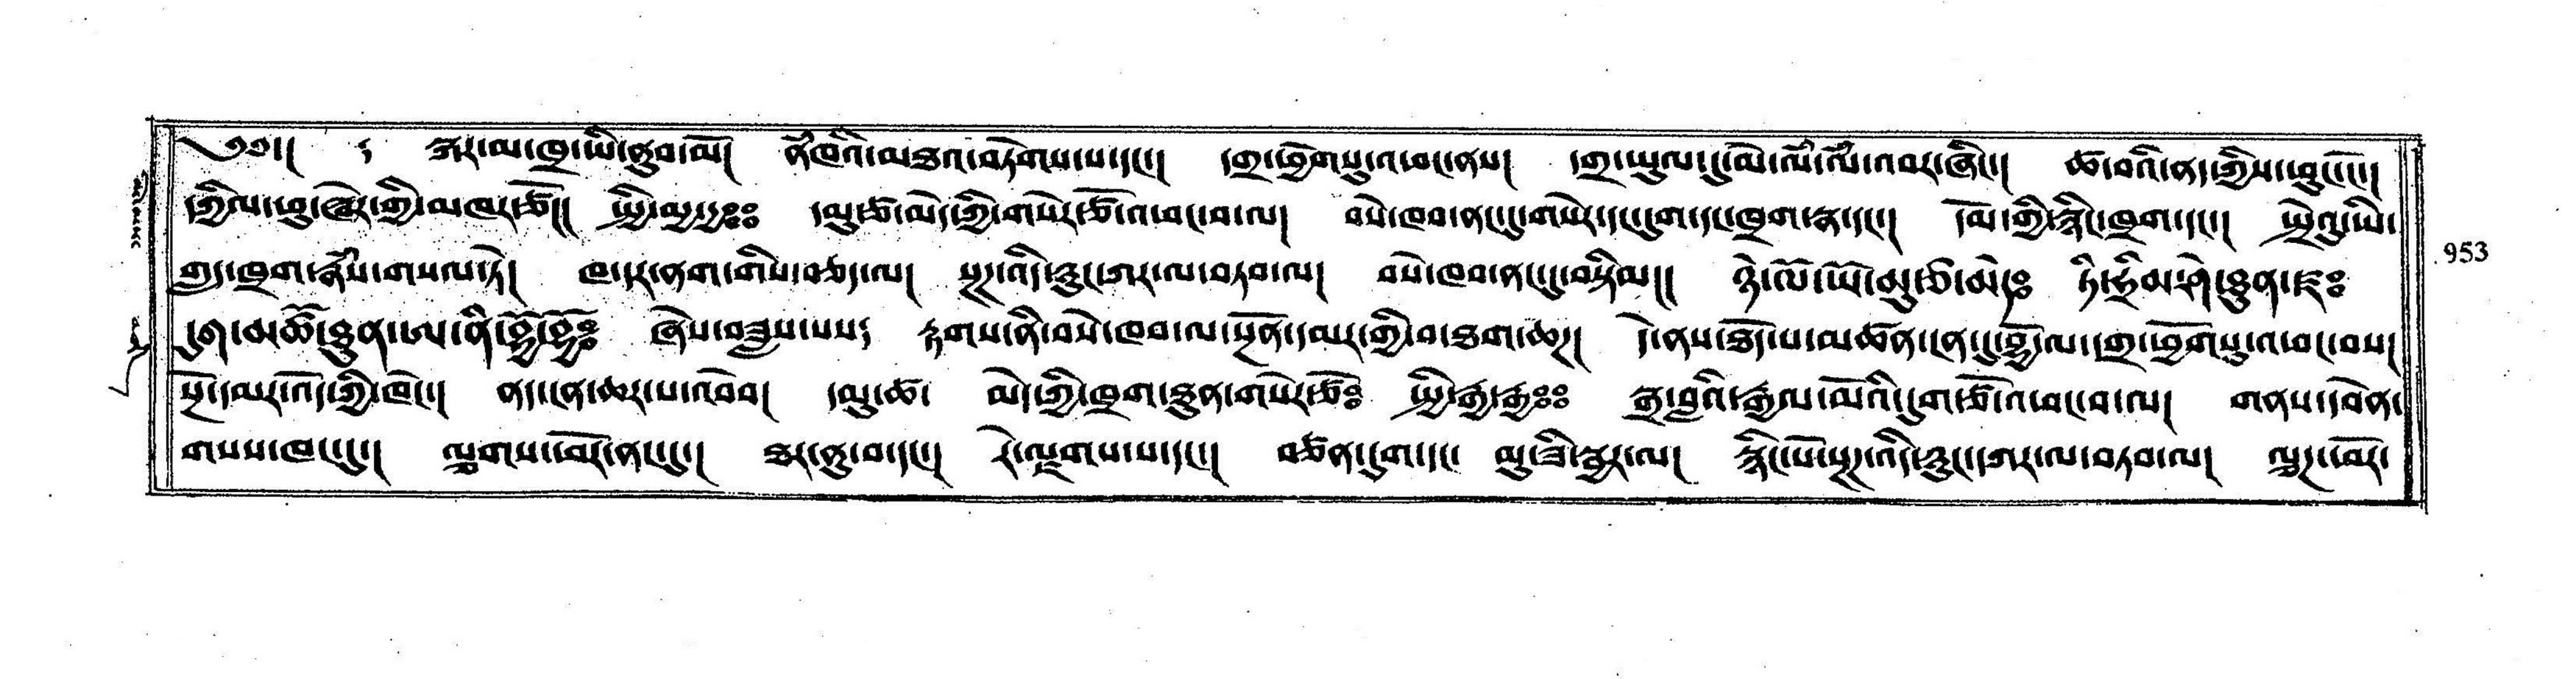སྐར་མ་ཁྲ་ཡི་ནུབ་མོ། ནམ་མཁའི་མཐའ་བཏེགས་པ་དང་། དགྲ་ཕྱོགས་སུ་འཕང་ནས། དགྲ་ཡུལ་དུ་མེ་ལཾ་ལཾ་འབར་ཞིང་། ཚ་བའི་ནད་ཀྱིས་ཕུང་ངོ་། 
དཀྱིལ་ཕུ་ཝེར་གྱི་མཁར་ཙོ།། སྤྱི་མྱ་རྒྱཿ༔ དམུ་ཙ་མེད་ཀྱི་གསེར་ཙོ་འཕང་བ་ལ། བསེ་ཁབ་ནང་དུ་གསེར་དང་དུག་དང་ཁྲབ་སྣ་དང་། དོམ་གྱི་སྙིང་ཁྲག་དང་། སྤྲེའུ་ཡི་
ཀླད་ཁྲག་རྣམས་གསལ་ཏེ། ཁ་དར་ནག་གིས་བཅད་ལ། སྔགས་འདི་ཉུང་ཀར་ལ་བཏབ་ལ། བསེ་ཁབ་ནང་དུ་བསྟིམ།། ཉེ་ལོ་ཡོ་མུ་ཙ་མེདཿ ཏི་ཧྲིམ་ཤེ་ཐུན་ཛཿ 
དུག་མཚོ་ཐུན་ཨ་ནི་བྷྱོ་བྷྱོ༔ ཞེས་བཟླས་པས། རྟགས་ནི་བསེ་ཁབ་ལ་སྔོན་དམར་གྱི་བ་ཐག་ཆགས། དེ་ནས་ཐོད་པ་མཚན་ངན་དུ་བྷྱོ་ལ་དགྲ་ཕྱོགས་སུ་འཕང་བས། 
སྔོ་དམར་འོད་ཀྱི་ཁེང་། ནད་ངན་ཆར་པ་འབེབ། དམུ་ཚ་མེད་ཀྱི་ཁྲག་ཐུན་གསེར་ཙོཿ སྤྱི་རྒྱ་རྒྱཿ༔ སྒྲ་བླའི་རྒྱལ་མོའི་དུག་ཙོ་འཕང་བ་ལ། གནས་དབེན་
གསས་ཁང་དུ། ལྕགས་ཕོར་ནང་དུ། ཐར་ནུ་བ་དང་། རེ་ལྗགས་པ་དང་། བཙན་དུག་དང་། མུ་ཟི་སྦྱར་ལ། སྙིང་པོ་སྔགས་འདི་ཉུང་དཀར་ལ་བཏབ་ལ། ལྕགས་ཕོར་